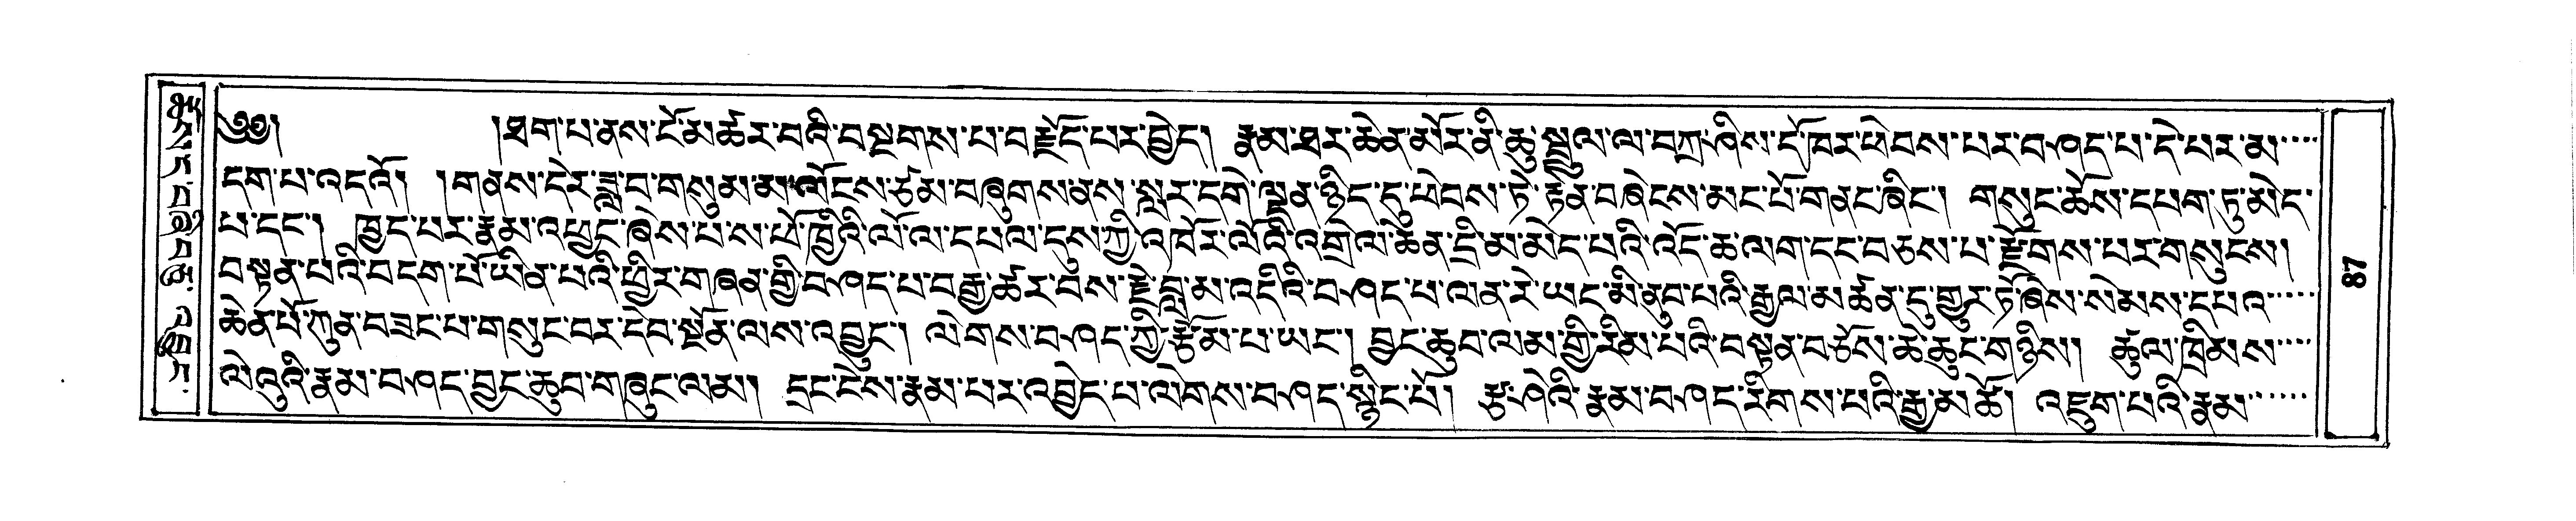༄༅། །ཐག་པ་ནས་ངོ་མཚར་བའི་བསྔགས་པ་བརྗོད་པར་བྱེད། རྣམ་ཐར་ཆེན་མོར་ནི་ཆུ་སྦྲུལ་ལ་བཀྲ་ཤིས་དོ་ཁར་ཕེབས་པར་བཤད་པ་དེ་པར་མ་
དག་པ་འདའོ། །གནས་དེར་ཟླ་བ་གསུམ་མ་ལོངས་ཙམ་བཞུགས་ནས་སླར་དགེ་ལྡན་ཉིད་དུ་ཕེབས་ཏེ་རྟེན་བཞེངས་མང་པོ་གནང་ཞིང་། གསུང་ཆོས་དཔག་ཏུ་མེད་
པ་དང་། ཁྱད་པར་རྣམ་འཕྱང་ཞེས་པ་ས་ཕོ་ཁྱིའི་ལོ་ལ་དཔལ་དུས་ཀྱི་འཁོར་ལོའི་འགྲེལ་ཆེན་དྲི་མ་མེད་པའི་འོད་ཆ་ལག་དང་བཅས་པ་རྫོགས་པར་གསུངས།
བསྟན་པའི་བདག་པོ་ཡིན་པའི་ཕྱིར་གཞན་གྱི་བཤད་པ་བརྒྱ་ཚར་བས་རྗེ་བླ་མ་འདིའི་བཤད་པ་ལན་རེ་ཡང་མི་ནུབ་པའི་རྒྱལ་མཚན་དུ་གྱུར་ཏོ་ཞེས་སེམས་དཔའ་
ཆེན་པོ་ཀུན་བཟང་པ་གསུང་བར་དེབ་སྔོན་ལས་འབྱུང་། ལེགས་བཤད་ཀྱི་རྩོམ་པ་ཡང་། བྱང་ཆུབ་ལམ་གྱི་རིམ་པའི་བསྟན་བཅོས་ཆེ་ཆུང་གཉིས། ཚུལ་ཁྲིམས་
ལེའུའི་རྣམ་བཤད་བྱང་ཆུབ་གཞུང་ལམ། དྲང་ངེས་རྣམ་པར་འབྱེད་པ་ལེགས་བཤད་སྙིང་པོ། རྩ་ཤེའི་རྣམ་བཤད་རིགས་པའི་རྒྱ་མཚོ། འཇུག་པའི་རྣམ་